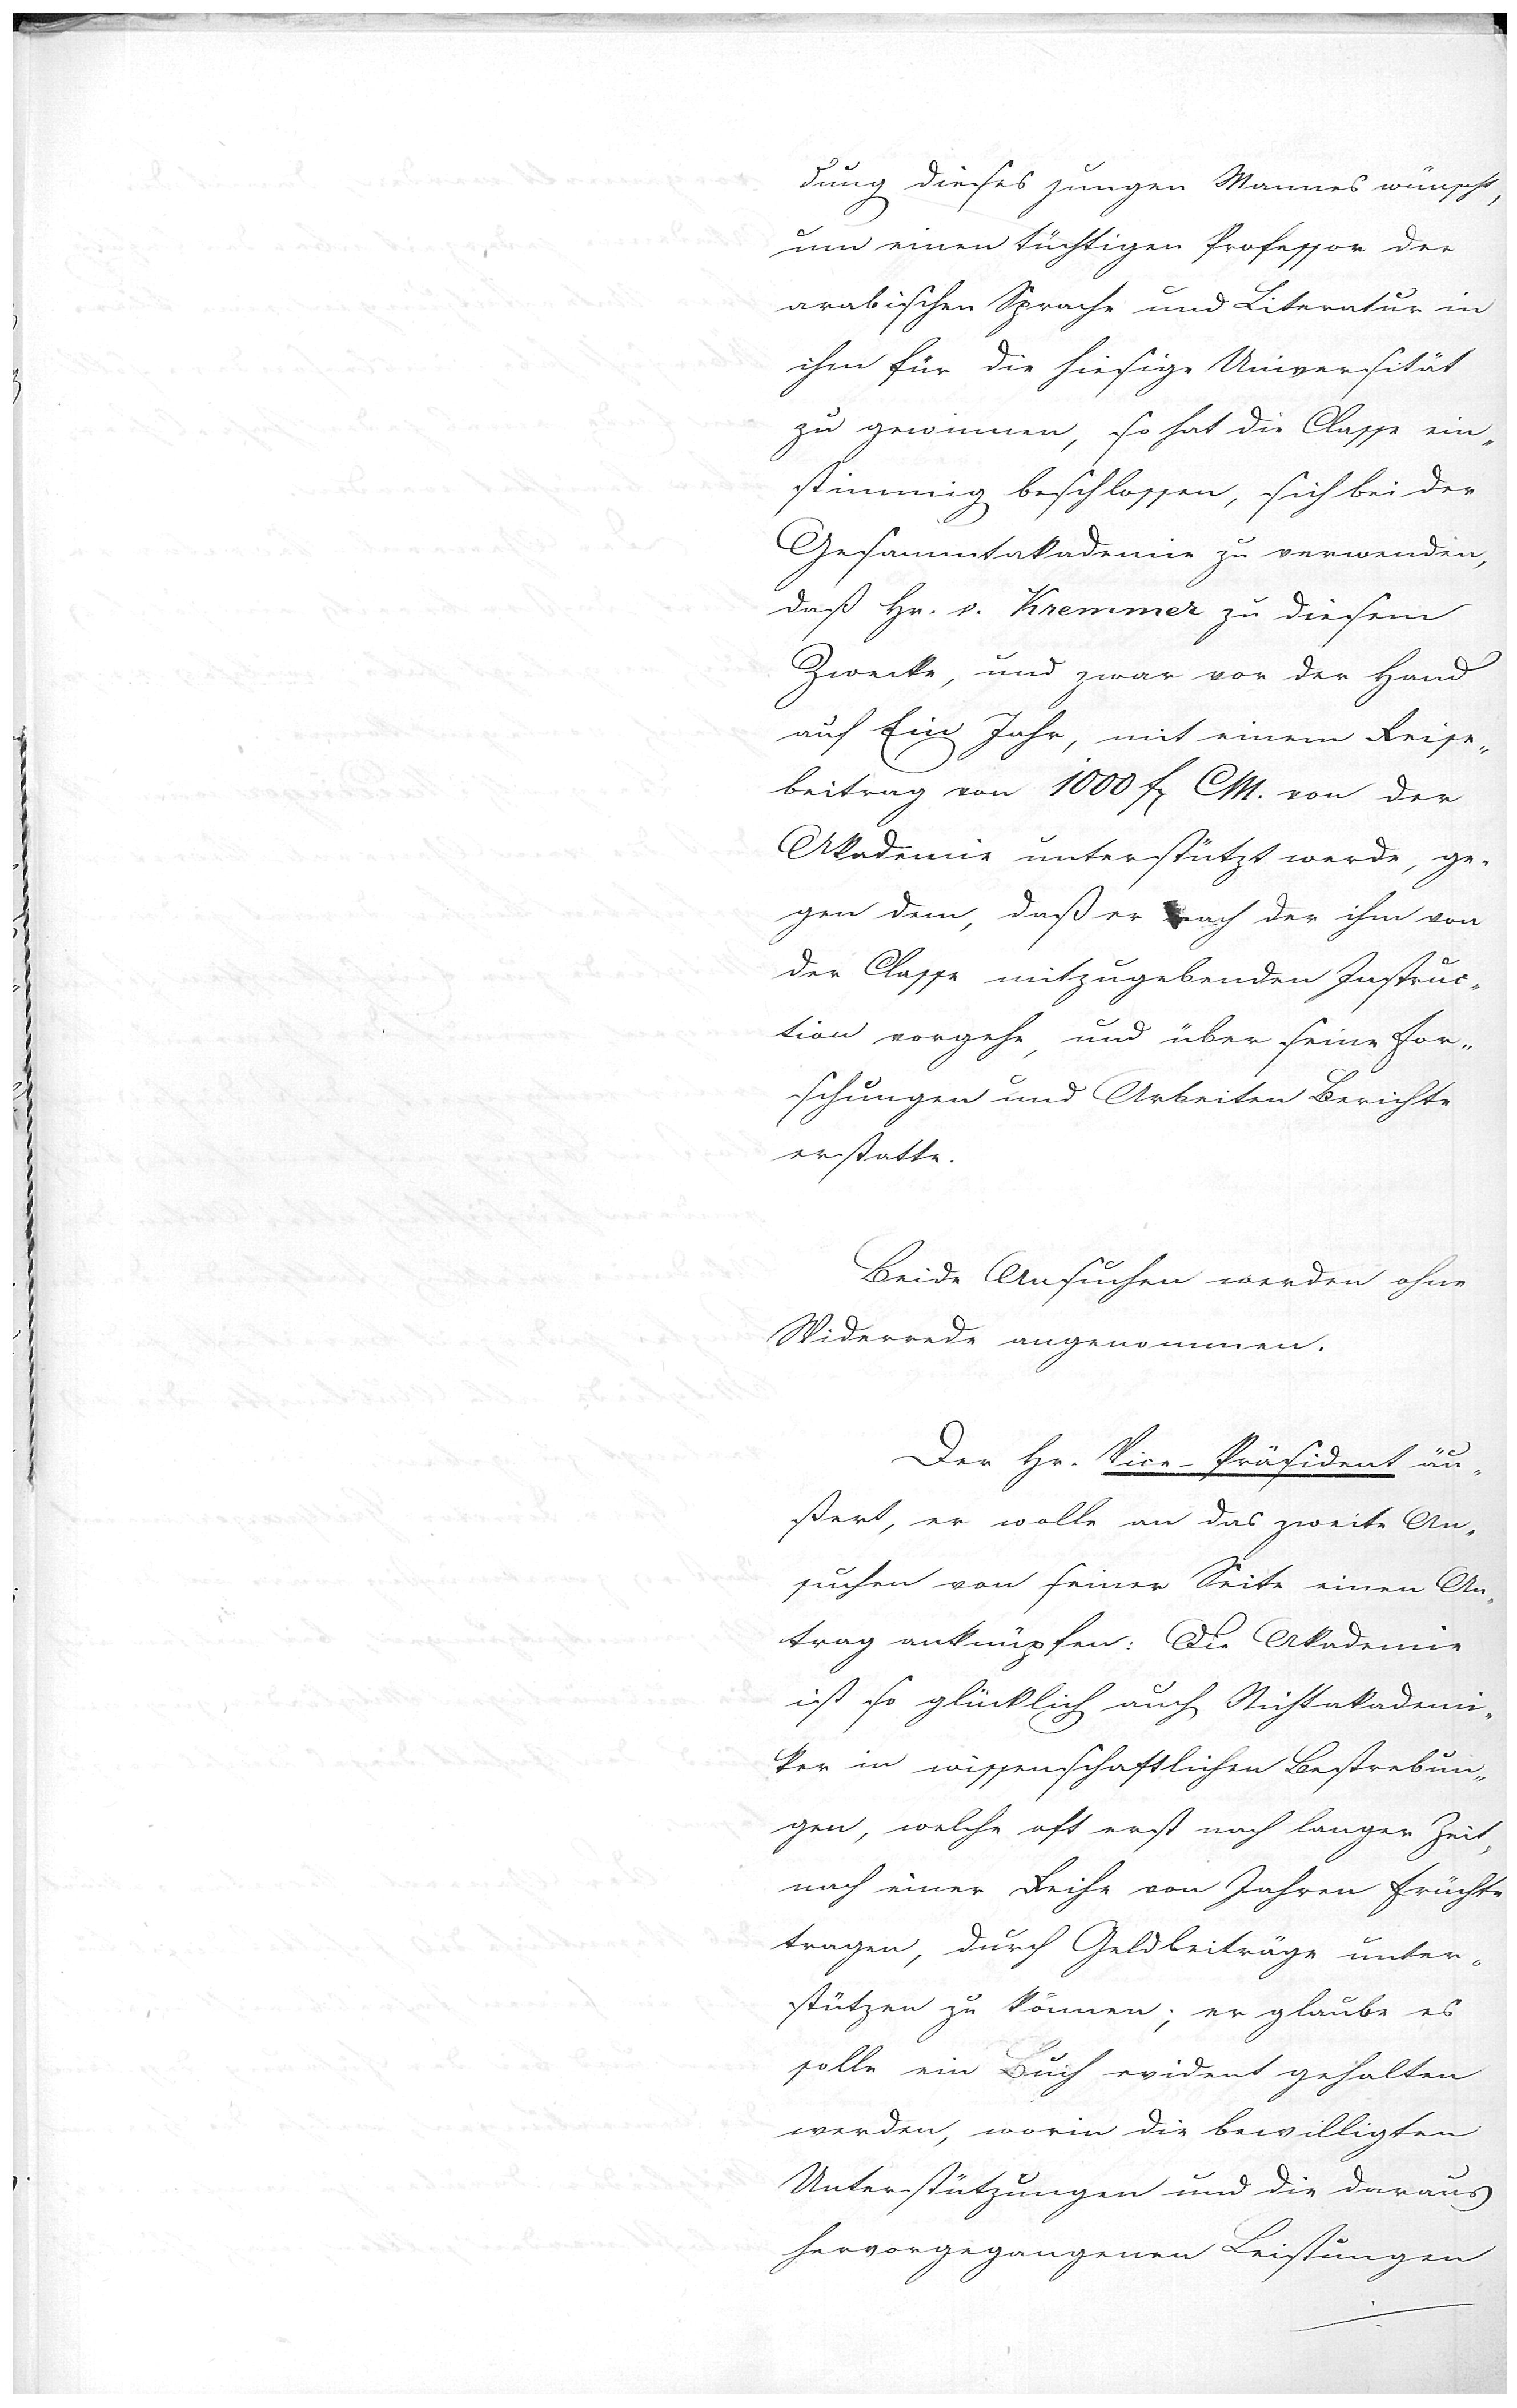dung dieses jungen Mannes wünscht,
und einen tüchtigen Professor der
arabischen Sprache und Literatur in
ihm für die hiesige Universität
zu gewinnen, so hat die Classe ein-
stimmung beschlossen, sich bei der
Gesammtakademie zu verwenden,
daß Hr. v. Kremmer zu diesem
Zwecke, und zwar vor der Hand
auf Ein Jahr, mit einem Reise-
beitrag von 1000 f. CM. von der
Akademie unterstützt werde, ge-
gen dem, daß er nach der ihm von
der Classe mitzugebenden Instruc-
tion vorgehe und über seine For-
schungen und Arbeiten Berichte
erstatte.
Beide Ansuchen werden ohne
Widerrede angenommen.
Der Hr. Vice-Präsident äu-
ßert, er wolle an das zweite An-
suchen von seiner Seite einen An-
trag anknüpfen. Die Akademie
ist so glücklich auch Nichtakademi-
ker in wissenschaftlichen Bestrebun-
gen, welche oft erst nach lange Zeit,
nach einer Reihe von Jahren Früchte
tragen, durch Geldbeiträge unter-
stützen zu können; er glaube es
solle ein Buch evident gehalten
werden, worin die bewilligten
Unterstützungen und die daraus
hervorgegangenen Leistungen